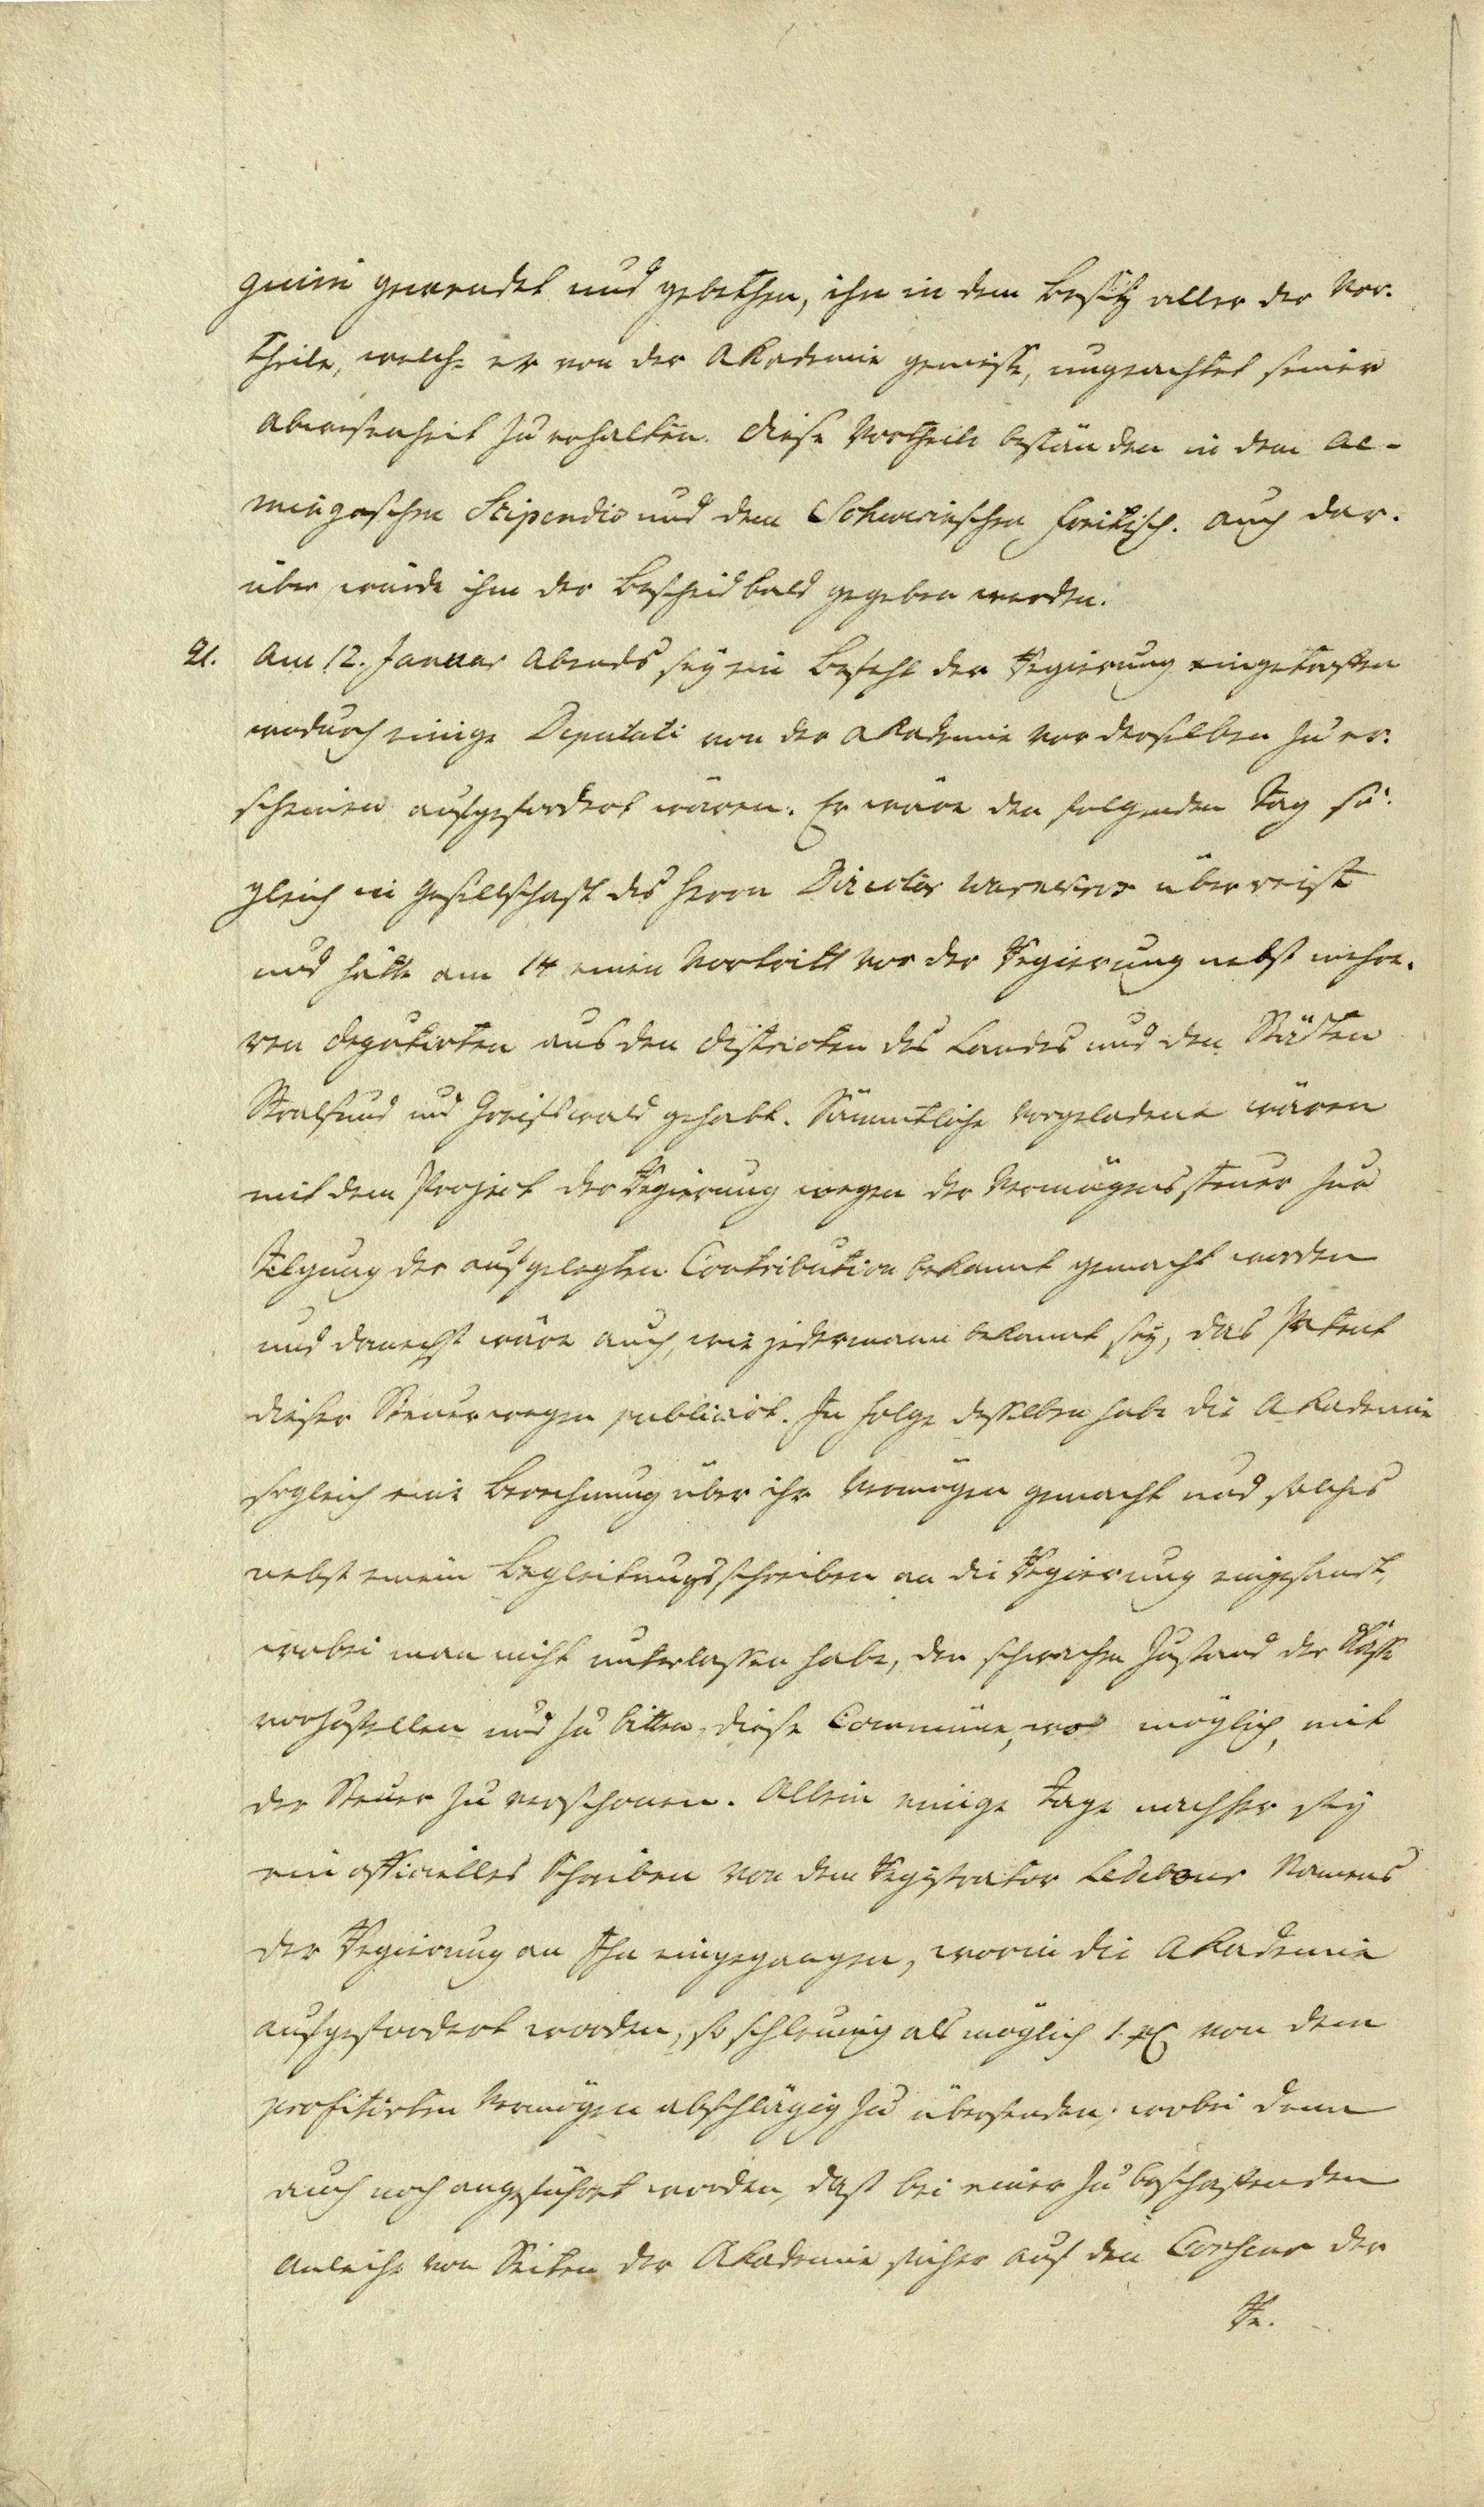gium gewendet und gebethen, ihn in dem Besitz aller der Vor¬
theile, welche er von der Akademie geniesse, ungeachtet seiner
Abwesenheit zu erhalten. Diese Vortheile beständen in dem Ae¬
mingaschen Stipendio und dem Schwerinschen Freitisch. Auch dar¬
über würde ihm der Bescheid bald gegeben werden.
21. Am 12. Januar Abends seÿ ein Befehl der Regierung eingetroffen
wodurch einige Deputati von der Akademie vor derselben zu er¬
scheinen aufgefordert wären. Er wäre den folgenden Tag so¬
gleich in Gesellschaft des Herrn Director Warnekros überreist
und hätte am 14. einen Vortritt vor der Regierung nebst mehre¬
ren Deputirten aus den Districten des Landes und den Städten
Stralsund und Greifswald gehabt. Sämmtliche Vorgeladene wären
mit dem Project der Regierung wegen der Vermögenssteuer zur
Tilgung der aufgelegten Contribution bekannt gemacht worden
und danechst wäre auch, wie jedermann bekannt seÿ, das Patent
dieser Steuer wegen publiciret. In Folge desselben habe die Akademie
sogleich eine Berechnung über ihr Vermögen gemacht und solches
nebst einem Begleitungsschreiben an die Regierung eingesandt,
wobei man nicht unterlassen habe, den schwachen Zustand der Kasse
vorzustellen und zu bitten, diese Commüne, wo möglich, mit
der Steuer zu verschonen. Allein einige Tage nachher seÿ
ein officielles Schreiben von dem Registrator Ledebour Namens
der Regierung an Ihn eingegangen, worin die Akademie
aufgefordert worden, so schleunig als möglich 1 pl. von dem
profitirten Vermögen abschlägig zu übersenden, wobei denn
auch noch angeführet worden, daß bei einer zu beschaffenden
Anleihe von Seiten der Akademie sicher auf den Consens der
Re.